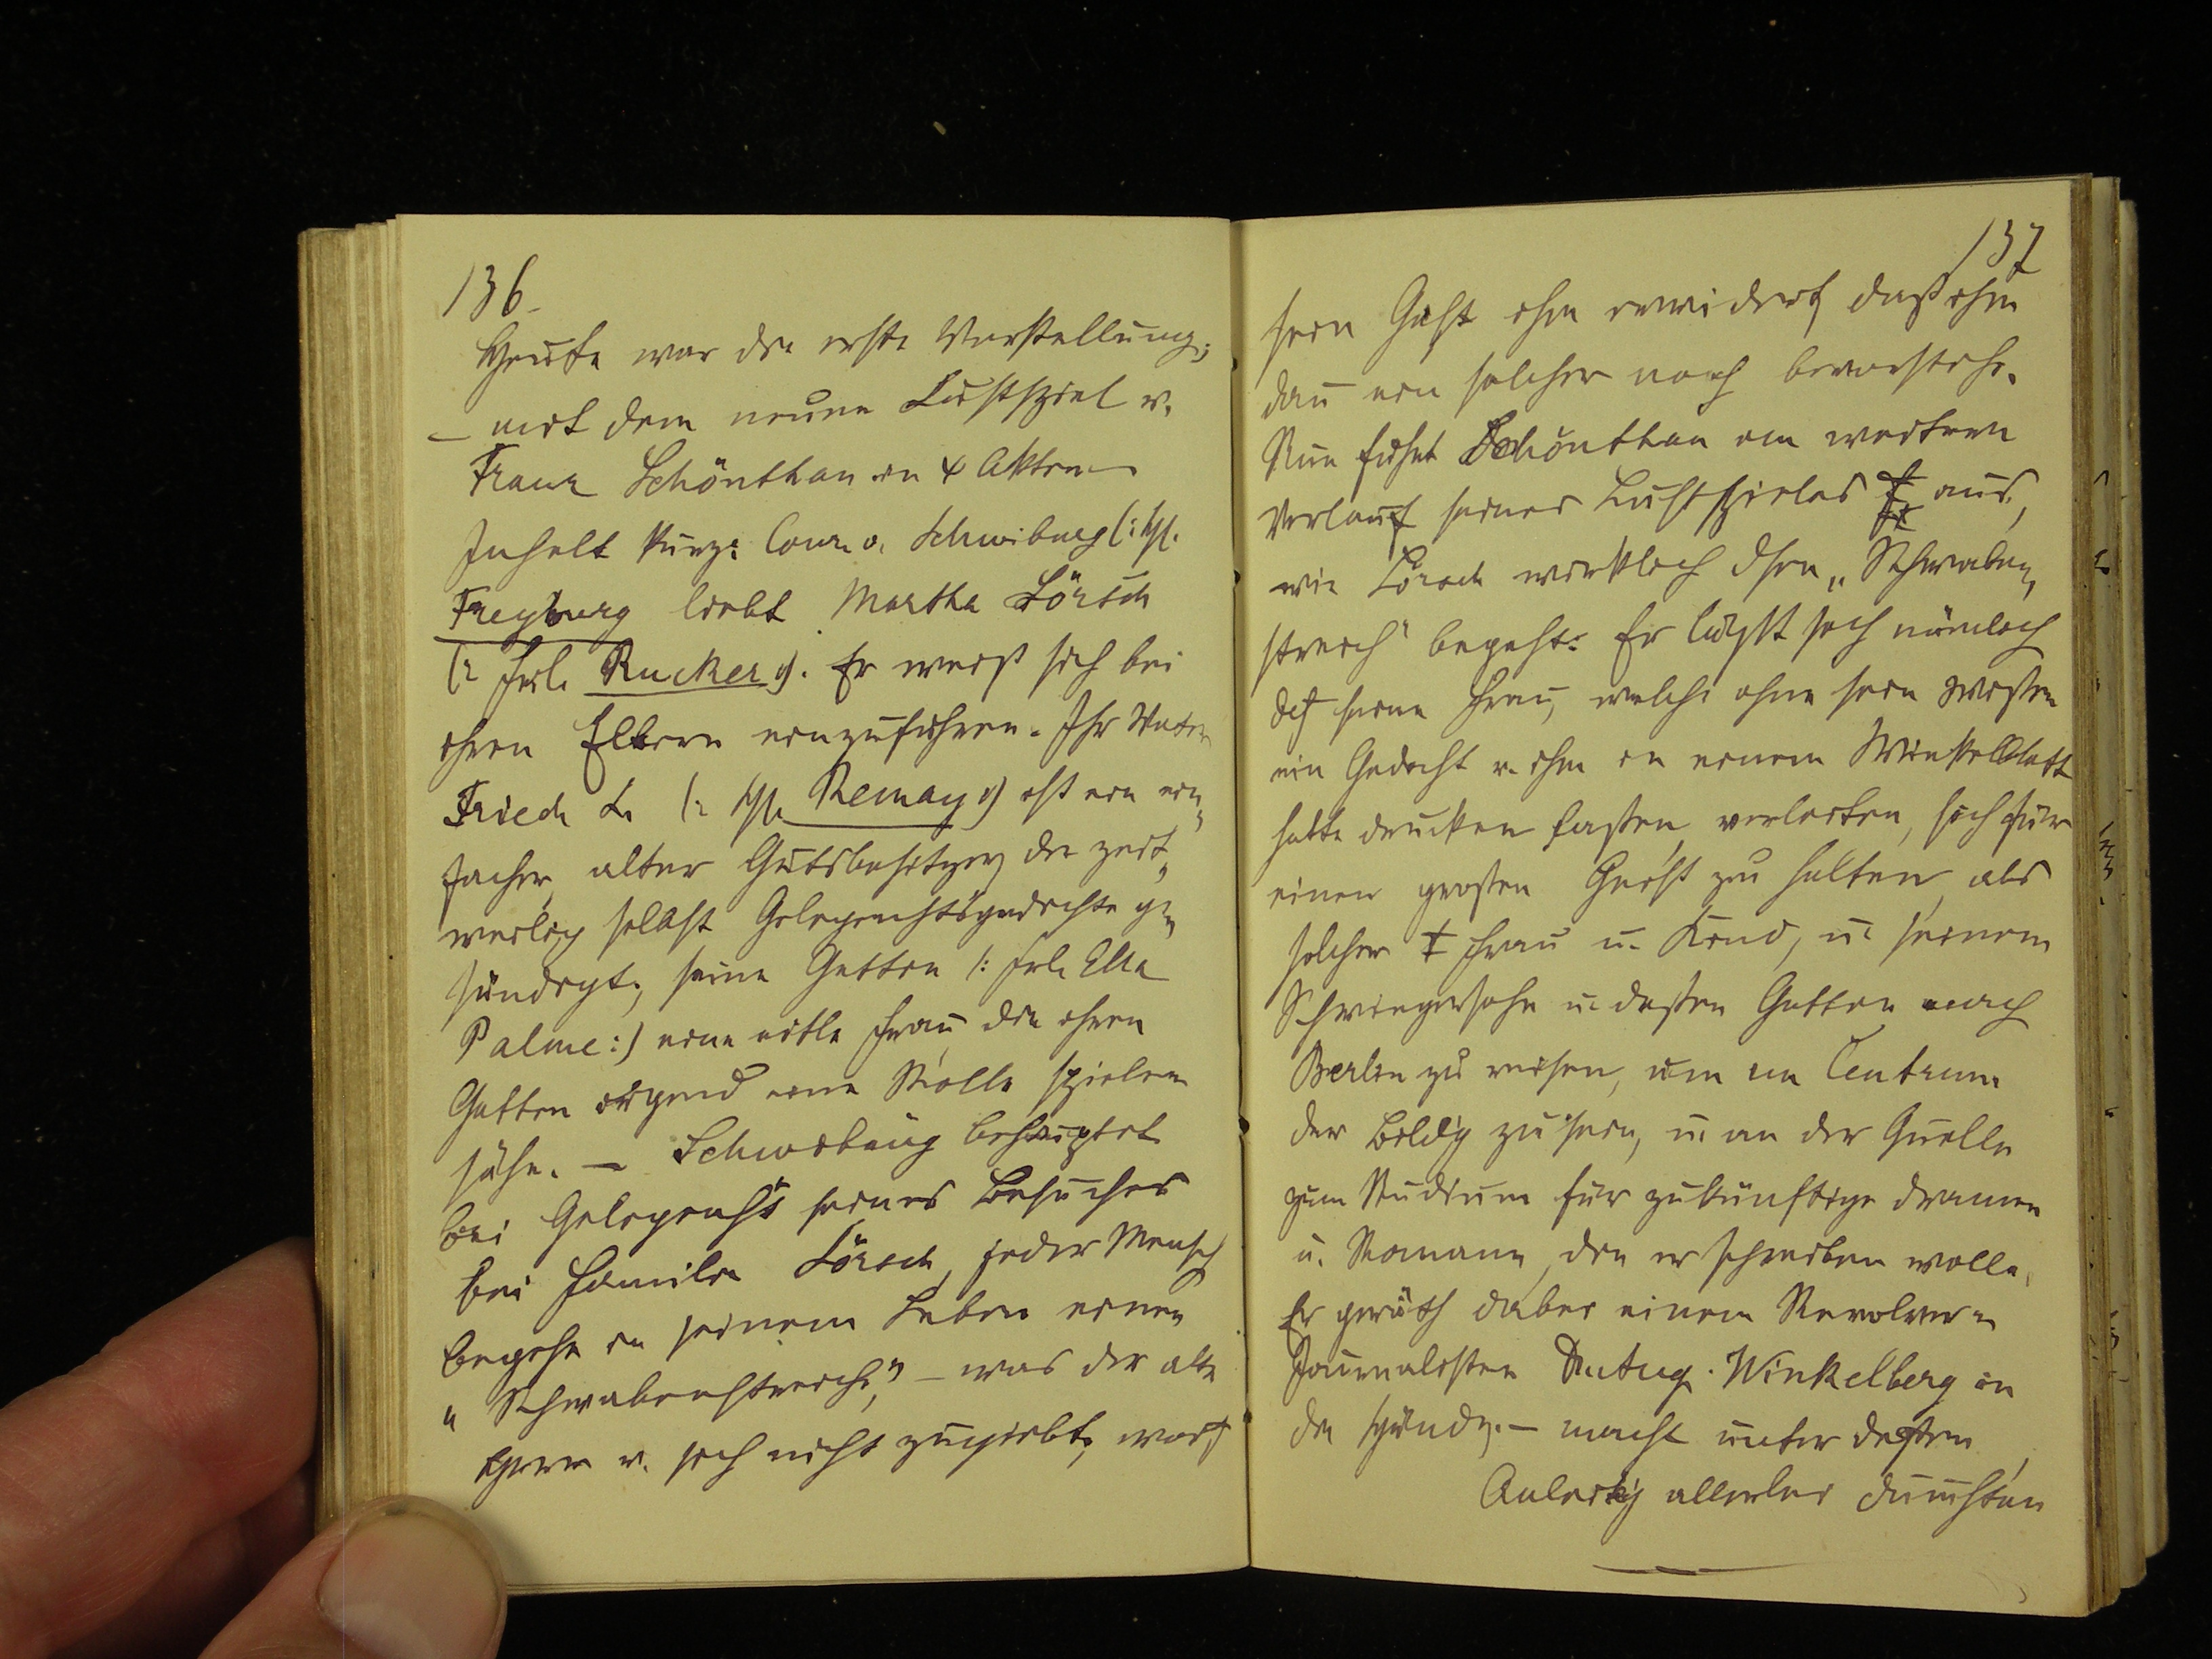136
heute war die erste Vorstellung;
- mit dem neuen Lustspiel von
Franz Schönthan in 4 Akten.
Inhalt kürz: Couno von Schwiburg (:H.
Freyburg :) liebt Martha Lörsch
(:Frl. Rucker: ). Er weiß sich bei
ihren Eltern einzuführen. Ihr Vater
Fried. Li. ( :H. Remay :) ist ein
Jahre alter Gutsbesitrzer der zeit¬
weilig selbst Gelegenheitsgedichet ge¬
sündigte, seine Gattin (: Frl. Ella
Palme: ) eine eitle Frau die ihren
Gatten irgend eine Rolle spielen
sähe.- Schwiburg behauptet
bei Gelegenheit seines Besuches
bei Familie Lörsch, jeder Mensch
begehe in seinem Leben einen
„ Schwabenstreich“, was der alte
Herr von sich nicht zugibt, worauf
137
sein Gast ihm erwiderte daß ihm
dann ein solcher noch bevorstehe.
Nun führt Schönthan im weiteren
Verlauf seines Lustspiels mit aus
wie Lörsch wirklich den „Schwaben¬
streich“ begeht. Er läßt sich nämlich
durch seine Frau, welche ohne sein Wissen,
ein Gedicht von ihm in einem Winkelblatt
hatte drucken lassen , verleiten sich für
einen großen Geist zu halten, als
solcher mit Frau und Kind und seinem
Schwiegersohn und dessen Gattin auch nach
Berlin zu reisen, um im Centrum
der Bildung zu sein, und an der Quelle
zum Studium für zukünftige Dramen
und Romane, die er schreiben wolle.
Er geräth dabei einem Revolver –
Journalisten Dr. Aug. Winkelberg in
die Hände.- macht unter deßen
Auleiky.. allerlei Dummheiten